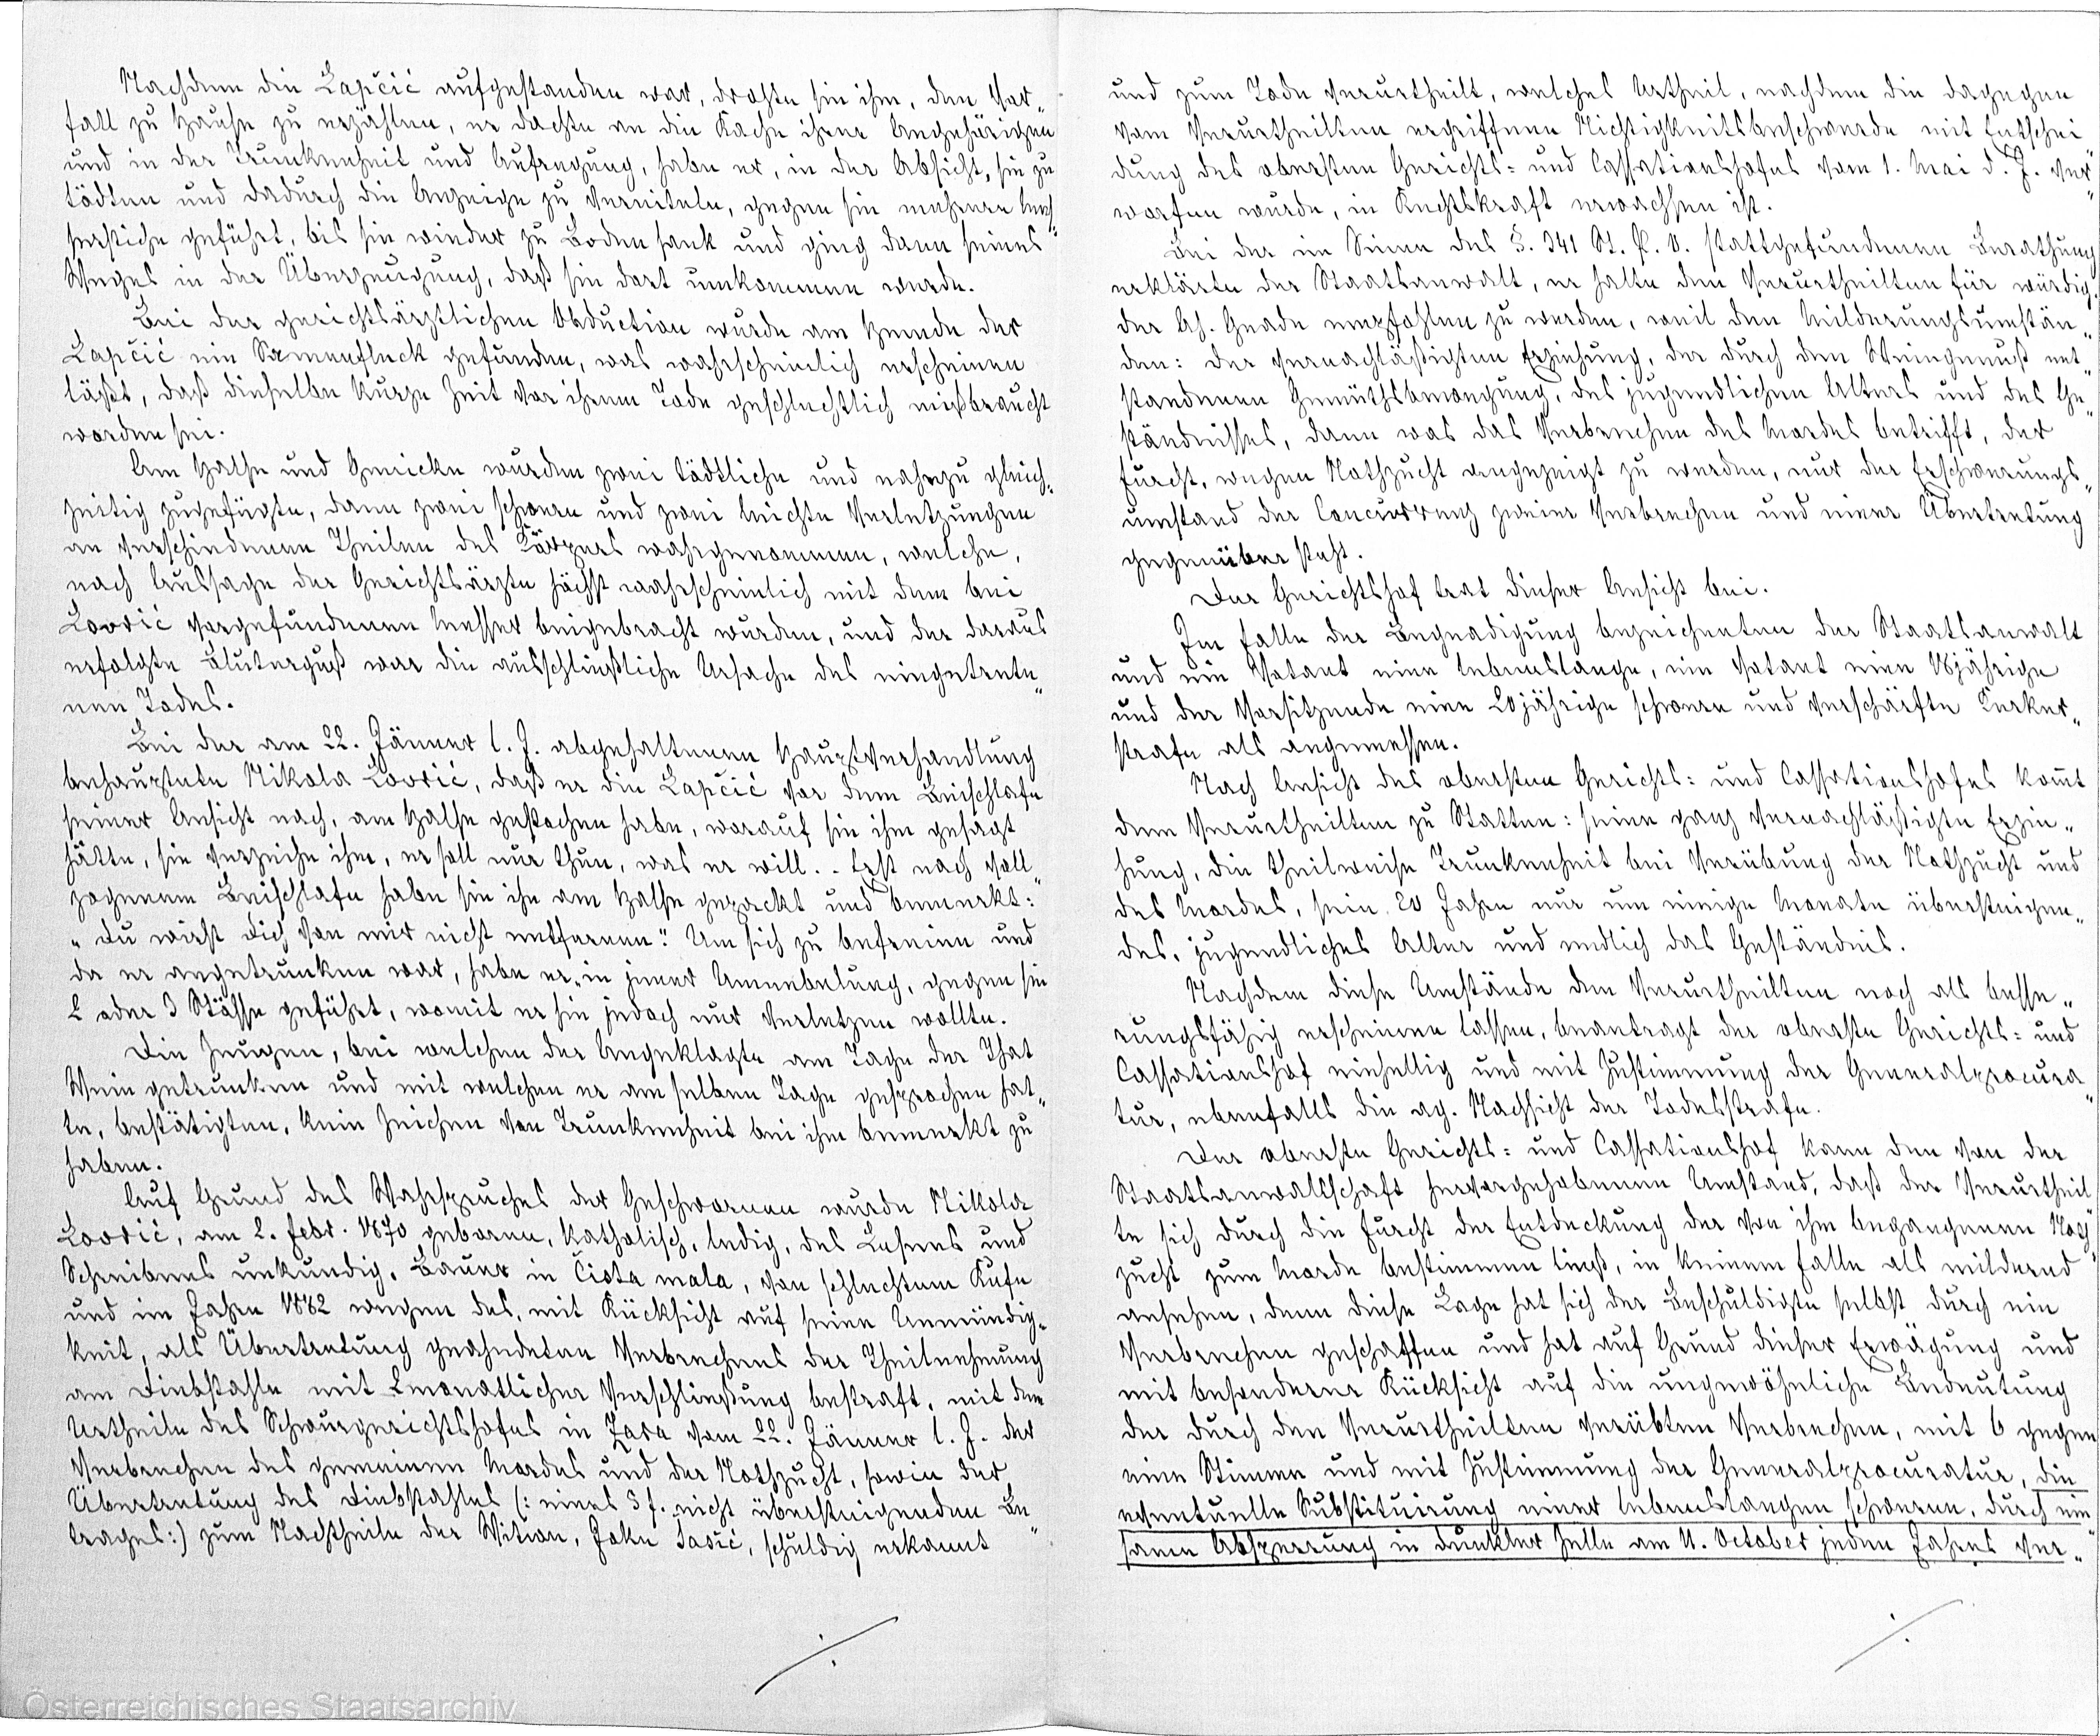Nachdem die Lapčić aufgestanden war, drohte sie ihm, den Vor¬
fall zu Hause zu erzählen, er dachte an die Rache ihrer Angehörigen
und in der Trunkenheit und Aufregung, habe er, in der Absicht, sie zu
tödten und dadurch die Anzeige zu vereiteln, gegen sie mehrere Mes¬
serstiche geführt, bis sie wieder zu Boden sank und ging dann seines
Weges in der Überzeugung, daß sie dort umkommen werde.
Bei der gerichtsärztlichen Obduction wurde am Hemde der
Lapčić ein Samenfleck gefunden, was wahrscheinlich erscheinen
läßt, daß dieselbe kurze Zeit vor ihrem Tode geschlechtlich mißbraucht
worden sei.
Am Halse und Genicke wurden zwei tödtliche und nahezu gleich¬
zeitig zugefügte, dann zwei schwere und zwei leichte Verletzungen
an verschiedenen Theilen des Körpers wahrgenommen, welche,
nach Aussage der Gerichtsärzte höchst wahrscheinlich mit dem bei
Lovrić vorgefundenen Messer beigebracht wurden, und der daraus
erfolgte Blutergus war die ausschließliche Ursache des eingetrete¬
nen Todes.
Bei der am 22. Jänner l. J. abgehaltenen Hauptverhandlung
behauptete Nikola Lovrić, daß er die Lapčić vor dem Beischlafe
seiner Ansicht nach, am Halse gestochen habe, worauf sie ihm gesagt
hätte, sie verzeihe ihm, er soll nur thun, was er will. Erst nach voll¬
zogenem Beischlafe habe sie ihn am Halse gepackt und bemerkt:
„Du wirst dich von mir nicht entfernen.“ Um sich zu befreien und
da er angetrunken war, habe er „in jener Umnebelung, gegen sie
2 oder 3 Stösse geführt, womit er sie jedoch nur verletzen wollte.
Die Zeugen, bei welchen der Angeklagte am Tage der That
Wein getrunken und mit welchen er am selben Tage gesprochen hat¬
te, bestätigen, kein Zeichen von Trunkenheit bei ihm bemerkt zu
haben.
Auf Grund des Wahrspruches der Geschworene wurde Nikola
Lovrić, am 2. Febr. 1870 geboren, katholisch, ledig, des Lesens und
Schreibens unkundig, Bauer in Čista mala, von schlechtem Rufe
und im Jahre 1882 wegen des, mit Rücksicht auf seine Unmündig¬
keit, als Übertretung geahndeten Verbrechens der Theilnehmung
am Diebstahle mit 2monatlicher Verschließung bestraft, mit dem
Urtheile des Schwurgerichtshofes in Zara vom 22. Jänner l. J. der
Verbrechen des Gemeinen Mordes und der Nothzucht, sowie der
Übertretung des Diebstahles (eines 5f nicht übersteigenden Be¬
trages) zum Nachtheile der Witwe, Joke Šašić, schuldig erkannt
und zum Tode verurtheilt, welches Urtheil, nachdem die dagegen
vom Verurtheilten ergriffene Nichtigkeitsbeschwerde mit Entschei¬
dung des obersten Gerichts- und Cassationshofes vom 1. Mai d. J. ver¬
worfen wurde, in Rechtskraft erwachsen ist.
Bei der im Sinne des §341 St. P. V. stattgefundenen Berathung
erklärte der Staatsanwalt, er hatte den Verurtheilten für würdig,
der Ah. Gnade empfehlen zu werden, weil den Milderungsumstän¬
den: der vernachläßigten Erziehung, der durch den Weingenuß ent¬
standenen Gemüthsbewegung, des jugendlichen Alters und des Ge¬
ständnisses, dann was das Verbrechen des Mordes betrifft, der
Furcht, wegen Nothzucht angezeigt zu werden, nur der Erschwerungs¬
umstand der Concurrenz zweier Verbrechen und einer Übertretung
gegenüber steht.
Der Gerichtshof trat dieser Ansicht bei.
Im falle der Begnadigung bezeichneten der Staatsanwalt
und ein Votant eine lebenslange, ein Votant eine 18jährige
und der Vorsitzende eine 20jährige schwere und verschärfte Kerker¬
strafe als angemessen.
Nach Ansicht des obersten Gerichts- und Cassationshofes kommt
dem Verurtheilten zu Statten: seine ganz vernachläßigte Erzie¬
hung, die theilweise Trunkenheit bei Verübung der Nothzucht und
des Mordes, sein 20 Jahre ur um einige Monate übersteigen¬
des, jugendliches Alter und endlich das Geständnis.
Nachdem diese Umstände den Verurtheilten noch als besse¬
rungsfähig erscheinen lassen, beantragt der oberste Gerichts- und
Cassationshof einhellig und mit Zustimmung der Generalprocura¬
tur, ebenfalls die ag. Nachsicht der Todesstrafe.
Der oberste Gerichts- und Cassationshof kann den von der
Staatsanwaltschaft hervorgehobenen Umstand, daß der Verurtheil¬
te sich durch die Furcht der Entdeckung der von ihm begangenen Noth¬
zucht zum Morde bestimmen ließ, in keinem Falle als mildern
ansehen, denn diese Lage hat sich der Beschuldigte selbst durch ein
Verbrechen geschaffen und hat auf Grund dieser Erwägung und
mit besonderer Rücksicht auf die ungewöhnliche Bedeutung
der durch den Verurtheilten verübten Verbrechen, mit 6 gegen
eine Stimme und mit Zustimmung der Generalprocuratur, die
eventuelle Substituirung einer lebenslangen schweren, durch ein¬
same Absperrung in dunkler Zelle am 11. October jeden Jahres ver¬